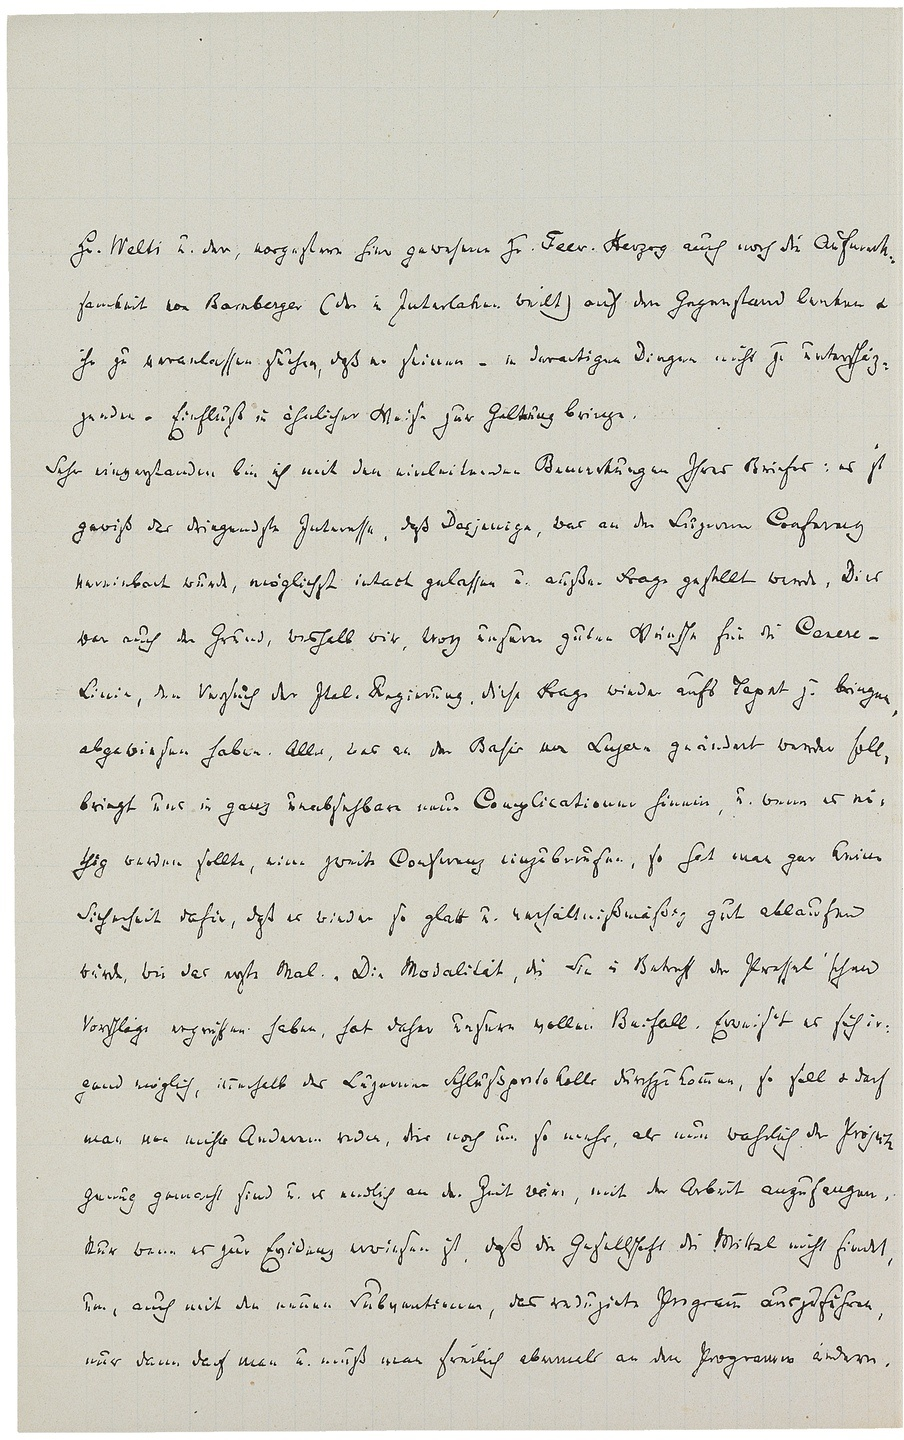Hr. Welti u. der, vorgestern hier gewesene Hr. Feer-Herzog auch noch die Aufmerk-
samkeit von Bamberger (der in Interlaken weilt) auf den Gegenstand lenken &
ihn zu veranlassen suchen, daß er seinen – in derartigen Dingen nicht zu unterschät-
zenden – Einfluß in ähnlicher Weise zur Geltung bringe.
Sehr einverstanden bin ich mit den einleitenden Bemerkungen Ihres Briefes: es ist
gewiß das dringendste Interesse, daß Dasjenige, was an der Luzerner Conferenz
vereinbart wurde, möglichst intact gelassen u. außer Frage gestellt werde. Dies
war auch der Grund, weshalb wir, troz unsrer guten Wünsche für die Cenere -
Linie, den Versuch der Ital. Regierung, diese Frage wieder aufs Tapet zu bringen,
abgewiesen haben. Alles, was an der Basis von Luzern geändert werden soll,
bringt uns in ganz unabsehbare neue Complicationen hinein, u. wenn es nö-
thig werden sollte, eine zweite Conferenz einzuberufen, so hat man gar keine
Sicherheit dafür, daß es wieder so glatt u. verhältnißmäßig gut ablaufen
würde, wie das erste Mal. Die Modalität, die Sie in Betreff der Pressel'schen
Vorschläge ergriffen haben, hat daher unsern vollen Beifall. Erweis't es sich ir-
gend möglich, innerhalb des Luzerner Schlußprotokolles durchzukommen, so soll & darf
man von nichts Anderem reden, dies noch um so mehr, als nun wahrlich der Projecte
genug gemacht sind u. es endlich an der Zeit wäre, mit der Arbeit anzufangen.
Nur wenn es zur Evidenz erwiesen ist, daß die Gesellschaft die Mittel nicht findet,
um, auch mit den neuen Subventionen, das reduzirte Programm auszuführen,
nur dann darf man u. muß man freilich abermals an dem Programme ändern.